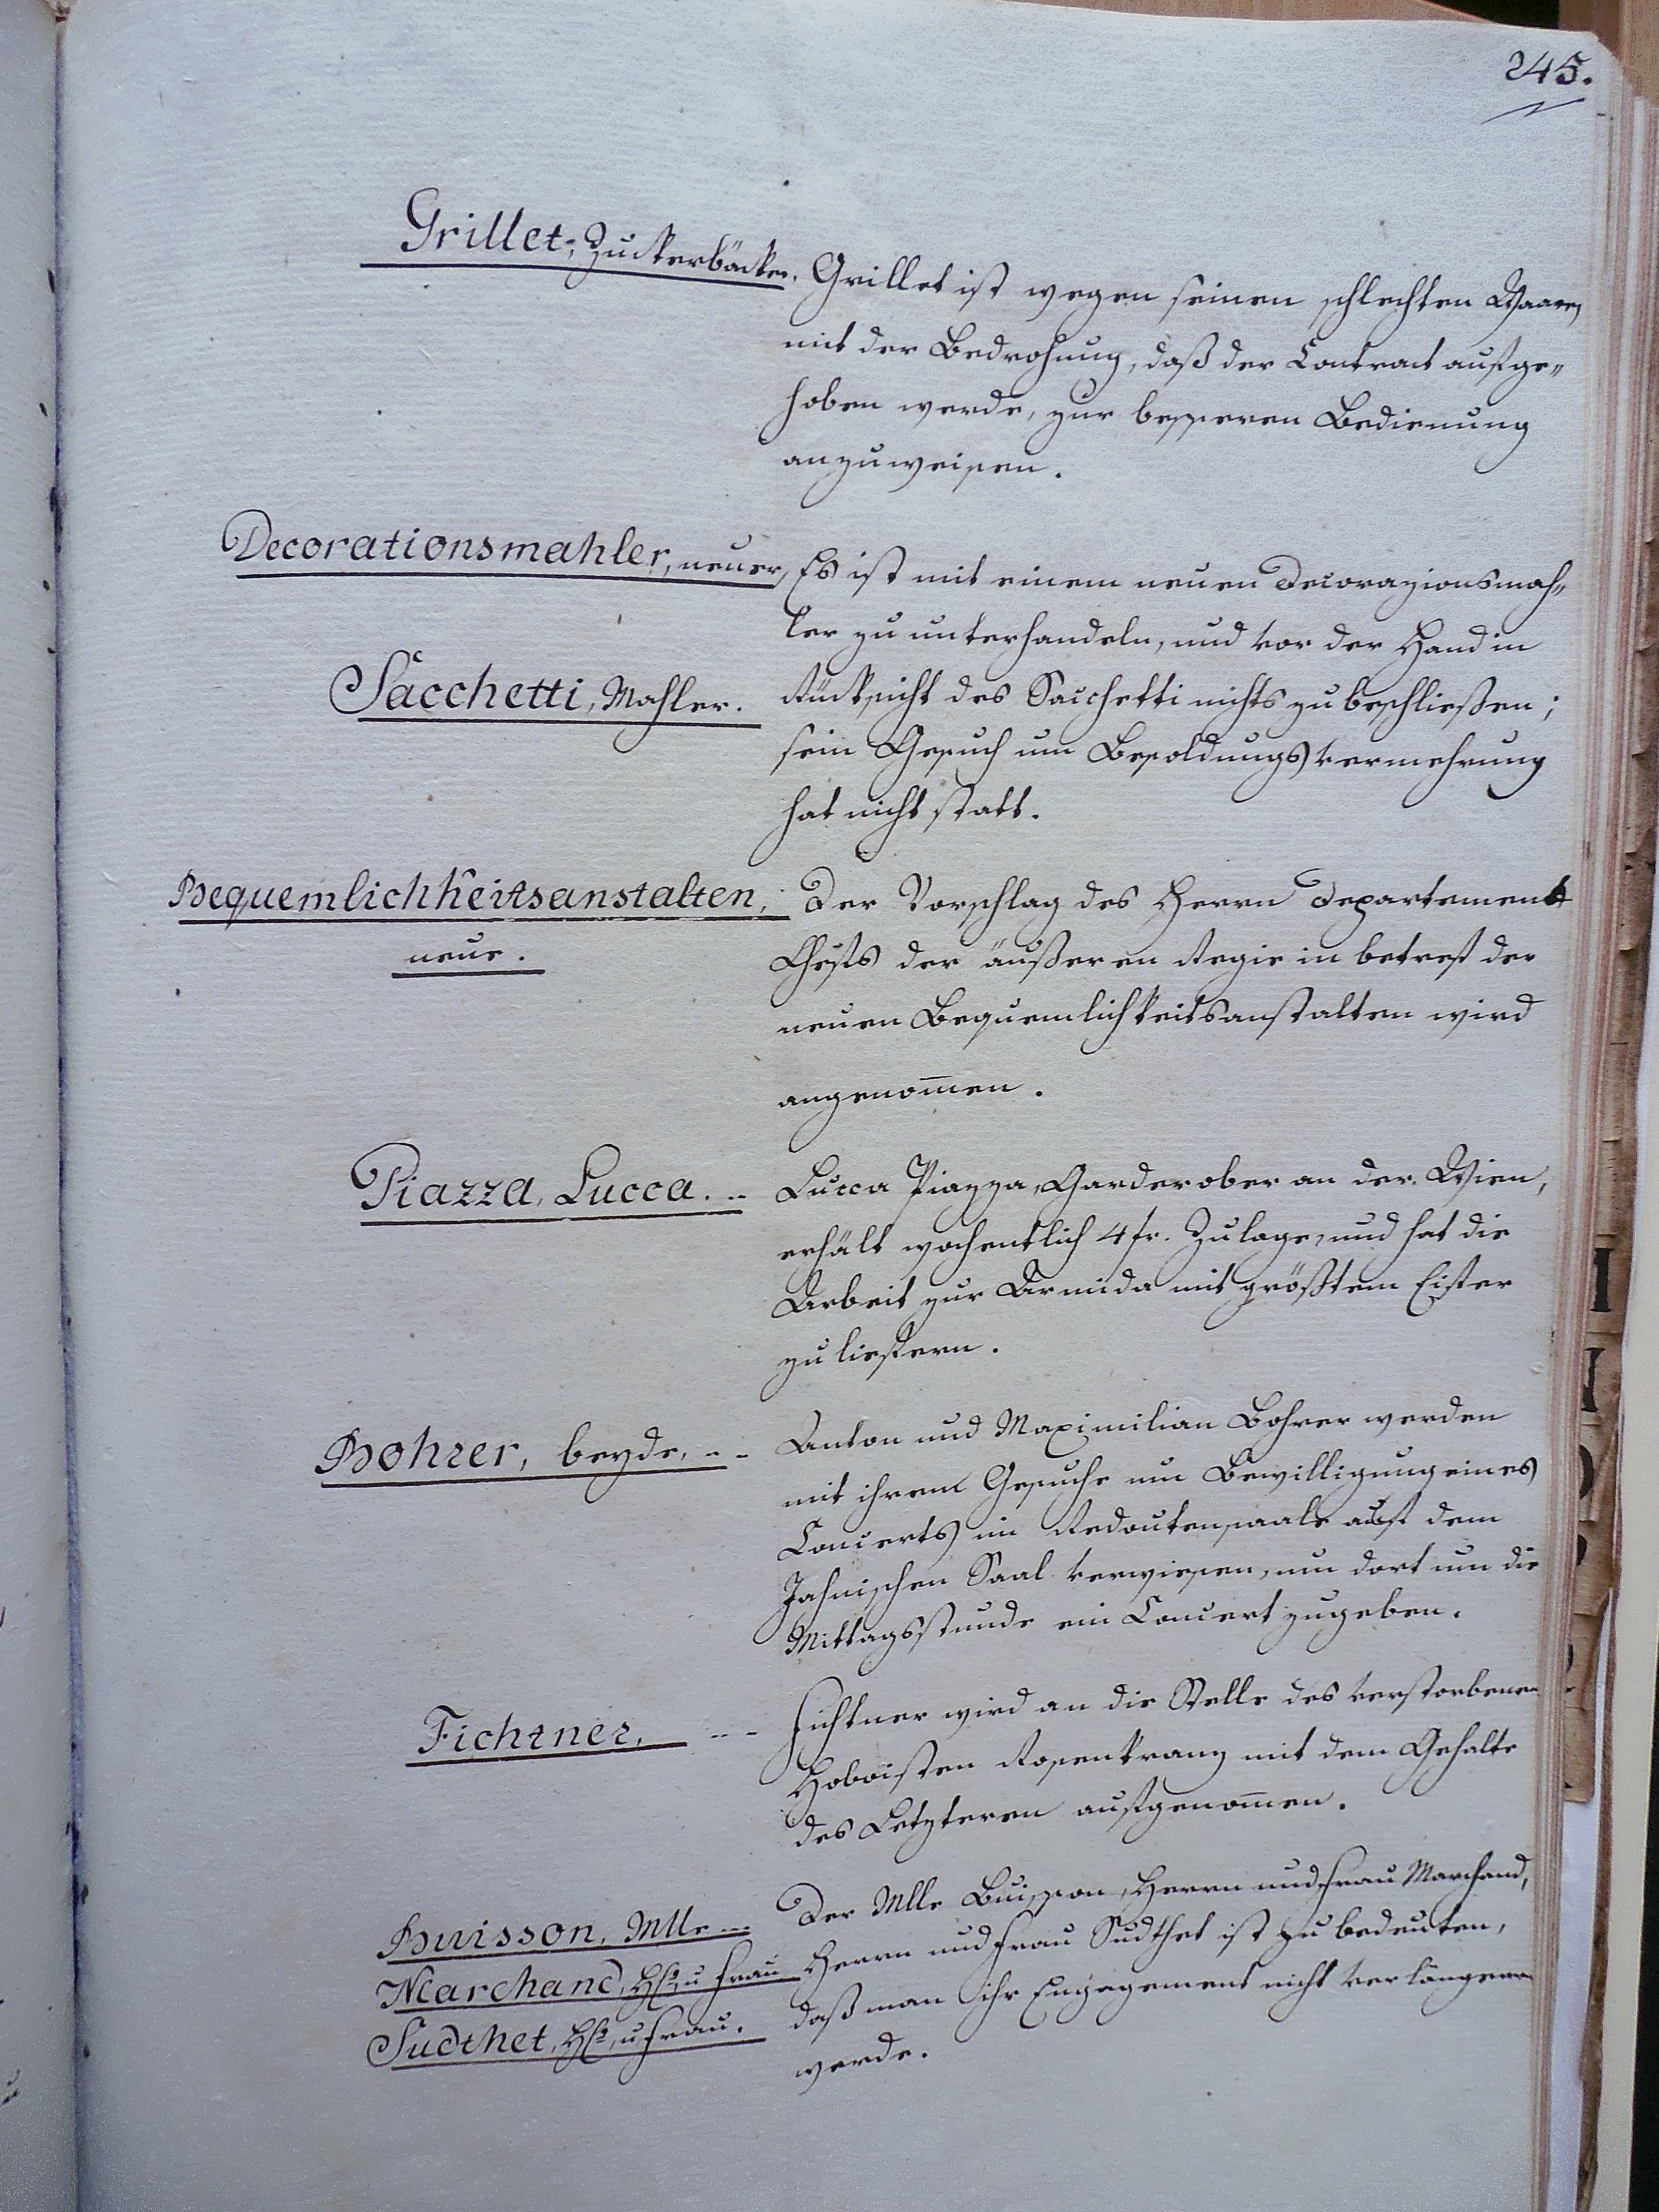245.
Grillet, Zuckerbäcker. Grillet ist wegen seinen schlechten Waaren
mit der Bedrohung, daß der Contract aufge¬
hoben werde, zur besseren Bedienung
anzuweisen.
Decorationsmahler, neuer,
Sachetti, Mahler.
Es ist mit einem neuen Decorazionsmah¬
ler zu unterhandeln, und vor der Hand in
Rücksicht des Sachetti nichts zubeschließen;
sein Gesuch um Besoldungsvermehrung
hat nicht statt.
Bequemlichkeitsanstalten,
neue.
Der Vorschlag des Herrn Departement
Chefs der äußeren Regie in betref der
neuen Bequemlichkeitanstalten wird
angenom̅en.
Piazza, Lucca. .. Lucca Piazza Garderober an der Wien,
erhält wochentlich 4fr. Zulage, und hat die
Arbeit zur Armida mit größtem Eifer
zu liefern.
Bohrer, beyde, .. .. Anton und Maximilian Bohrer werden
mit ihrem Gesuche um Bewilligung eines
Concerts im Redoutensaale auf dem
Jahnischen Saal verwiesen, um dort um die
Mittagsstunde ein Concert zugeben.
Fichtner. .. .. Fichtner wird an die Stelle des verstorbenen
Hoboisten Rosenktranz mit dem Gehalte
des Letzteren aufgenom̅en.
Buisson, Mlle ...
Marchand, HEr͇ u Frau
Sudthet, HEr͇ u Frau.
Der Mlle Buisson, Herrn und Frau Marchand,
Heaan und Frau Sudthet ist zu bedeuten,
daß man ihr Engegement nicht verlängern
werde.